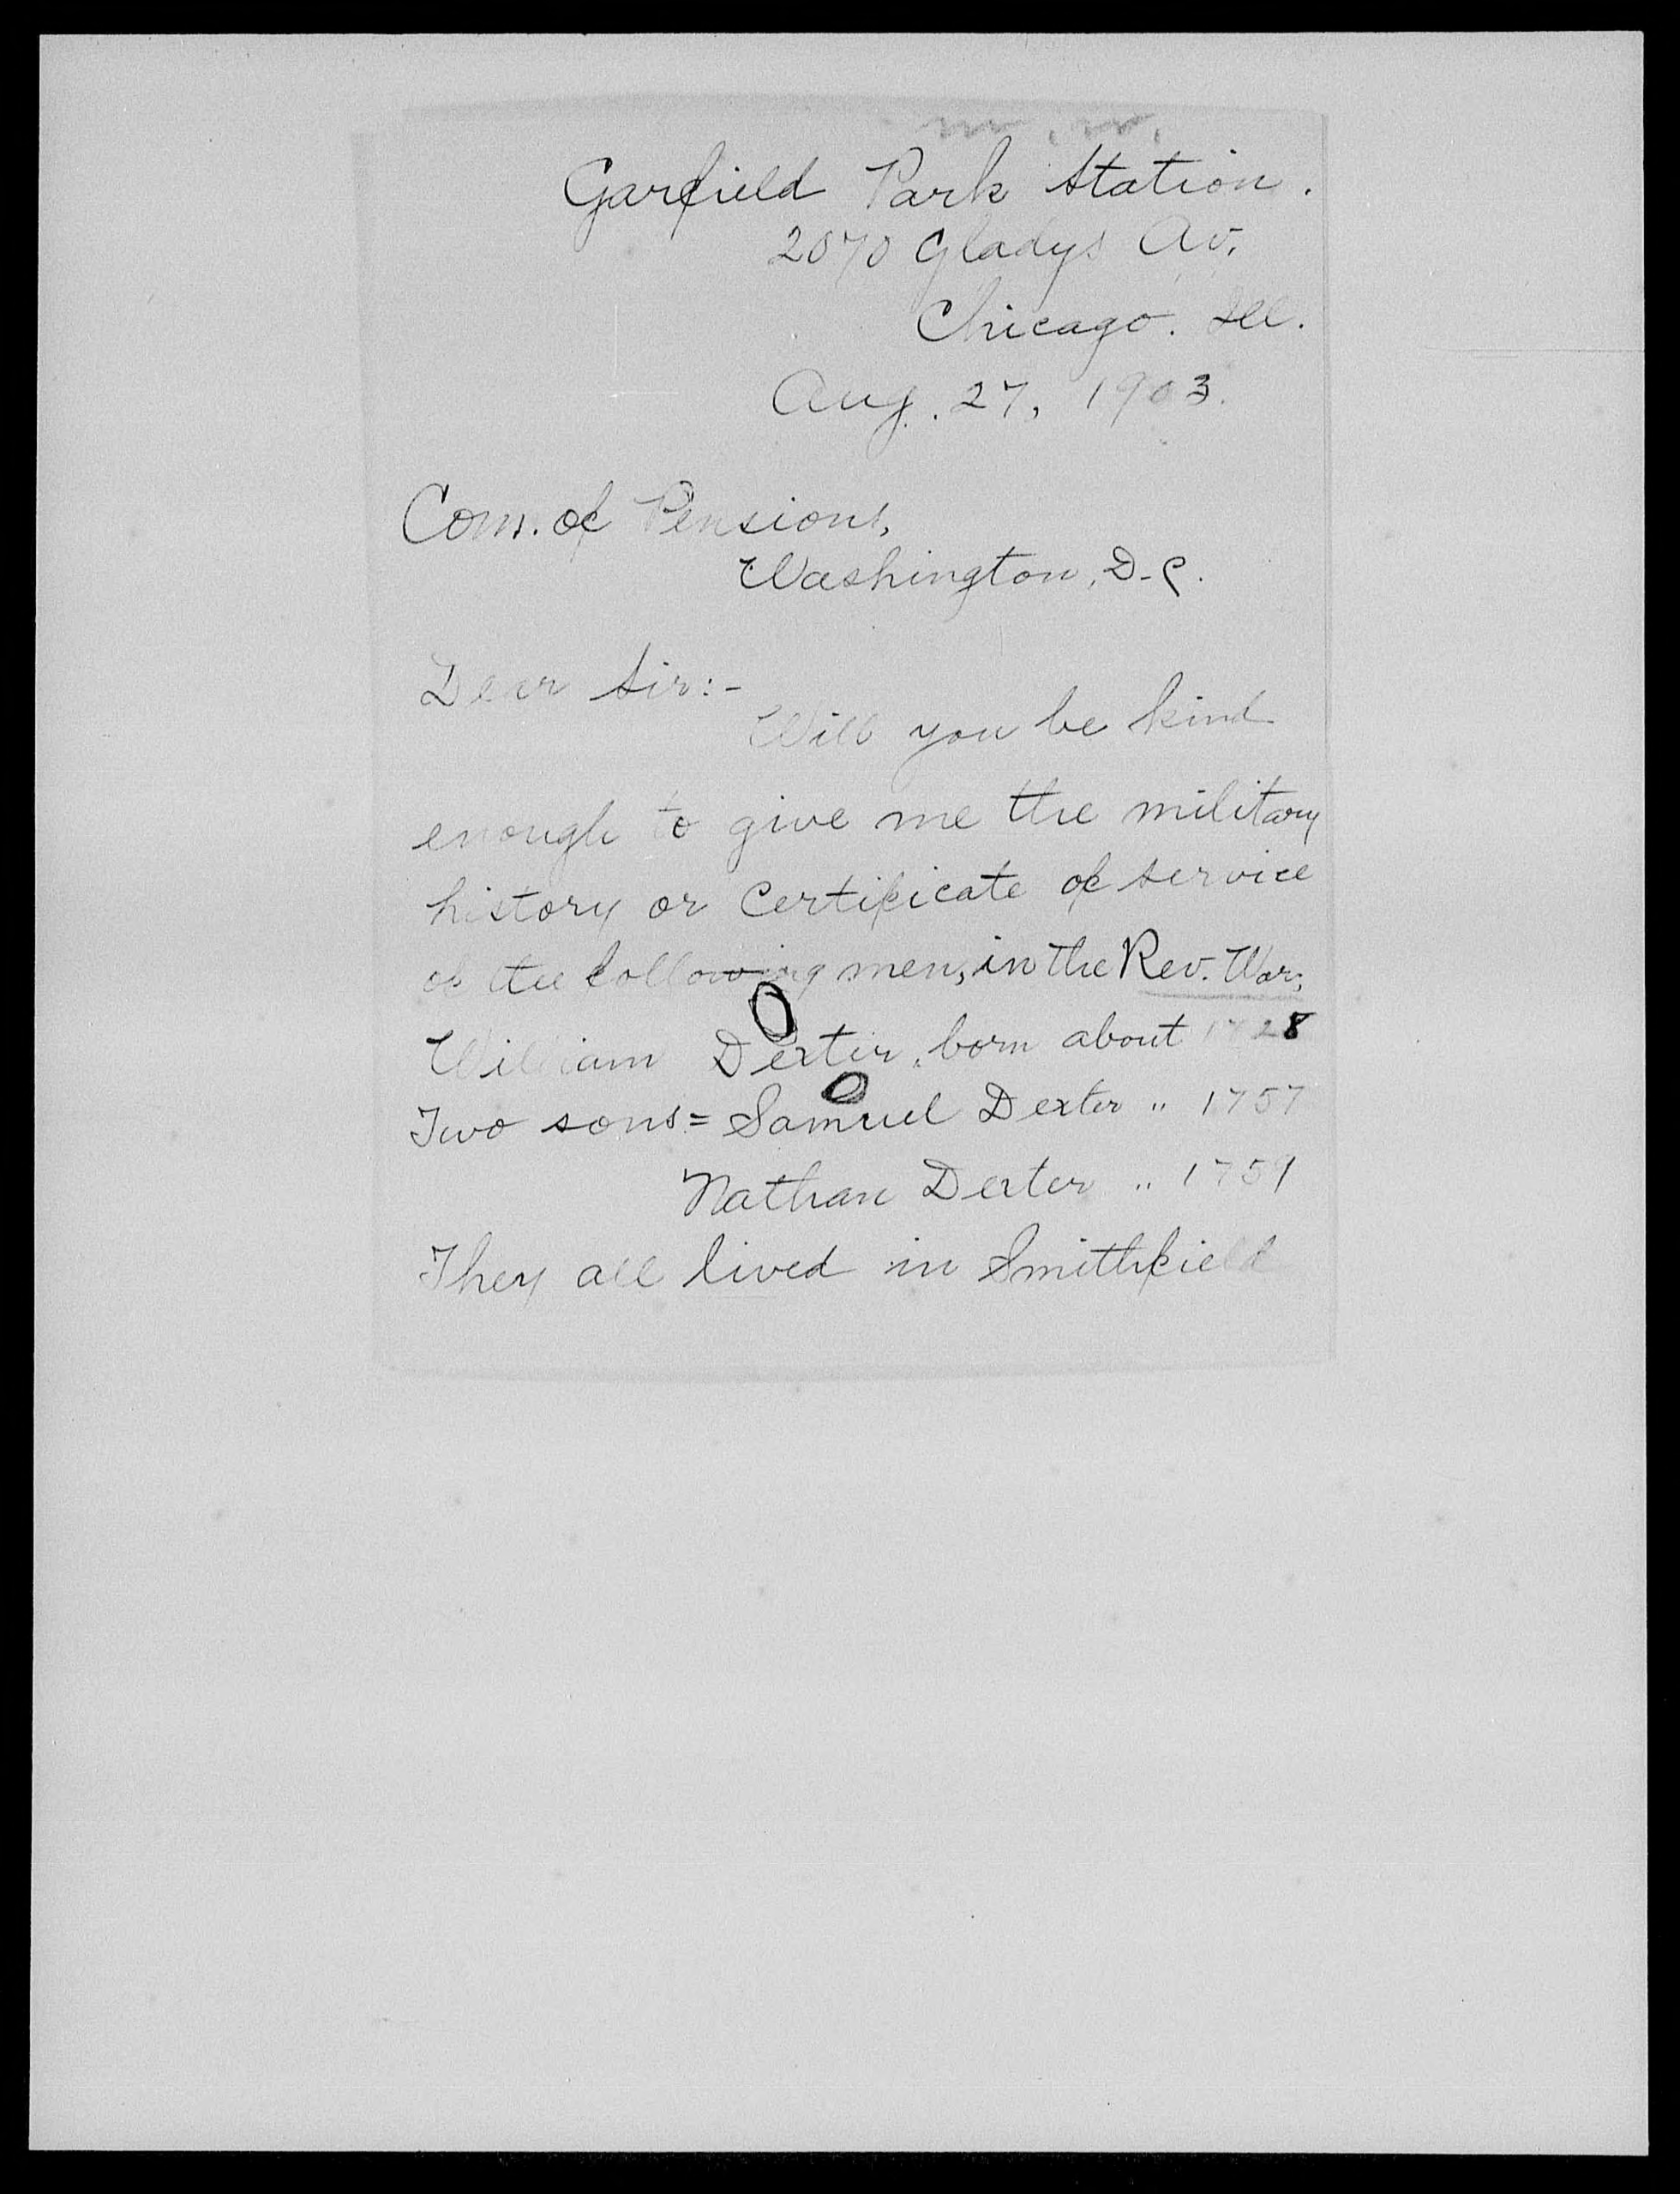Garfield Park Station
2070 Gladys Av.
Chicago, Ill.
Aug. 27, 1903
Com. of Pensions,
Washington, D. C.
Dear Sir:-
Will you be kind enough to give me the military history or certificate of service of the following men, in the Rev. War; 
William Dexter, born about 1728
Two sons - Samuel Dexter born about 1757
Nathan Dexter born about 1759
They all lived in Smithfield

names: William Dexter, Nathan Dexter, Samuel Dexter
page: 18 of 35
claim: survivor's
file: S. 18374, Nathan Dexter, R.I.